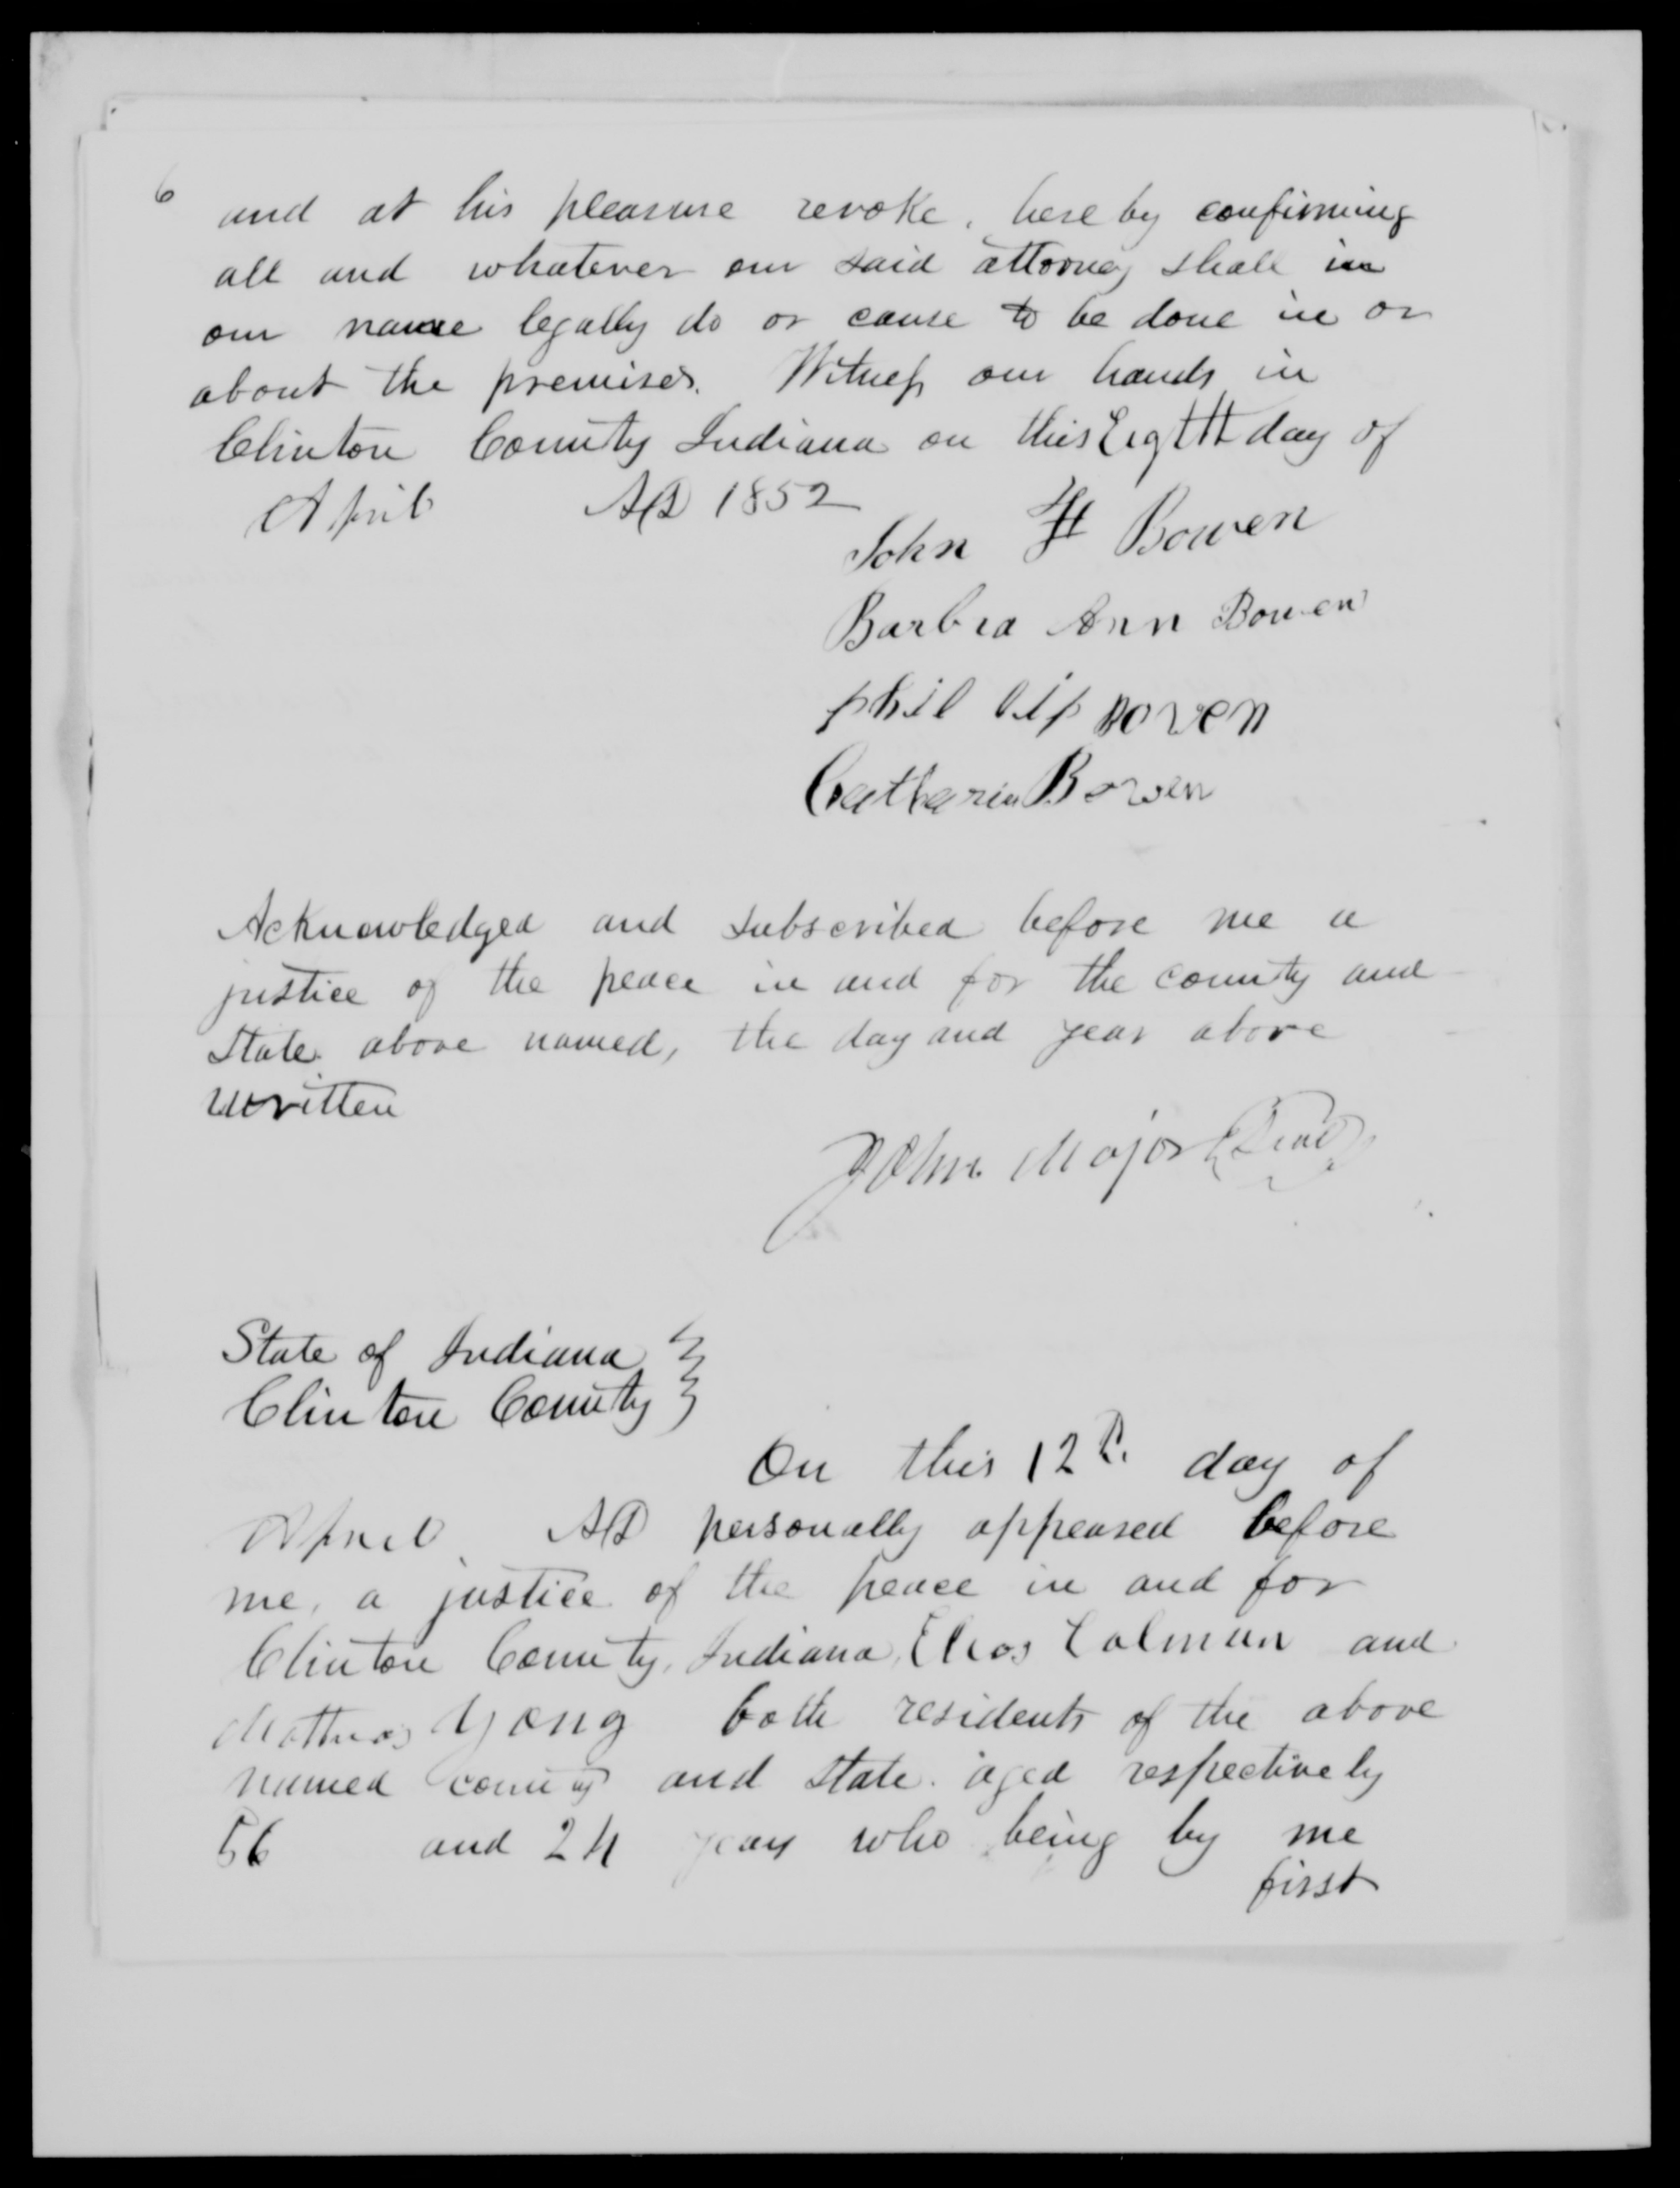6
and at his pleasure revoke, hereby confirming
all and whatever our said attorney shall in
our name legally do or cause to be done in or
about the premises. Witness our hands, in
Clinton County Indiana on this Eighth day of
AD 1852
John F Bowen
Barbra Ann Bowen
Philip Bowen
Catharine Bowen

Acknowledged and subscribed before me a
justice of the peace in and for the County and
State above named, the day and year above
written
John Major {seal}

State of Indiana Clinton County ss
On this 12 day of April AD
personally appeared before
me, a justice of the peace in and for
Clinton County, Indiana, Elias Calman and
Matthias Yo[u]ng both residents of the above
named county and State aged respectively
56 and 24 years who being by me
First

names: John F Bowen, John Major, Phillip Bowen, Mathias Yong, Barbra Ann Bowen, Catharin Bowen, Elias Coleman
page: 121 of 123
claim: rejected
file: R. 11,949, Matthias Young, Md.